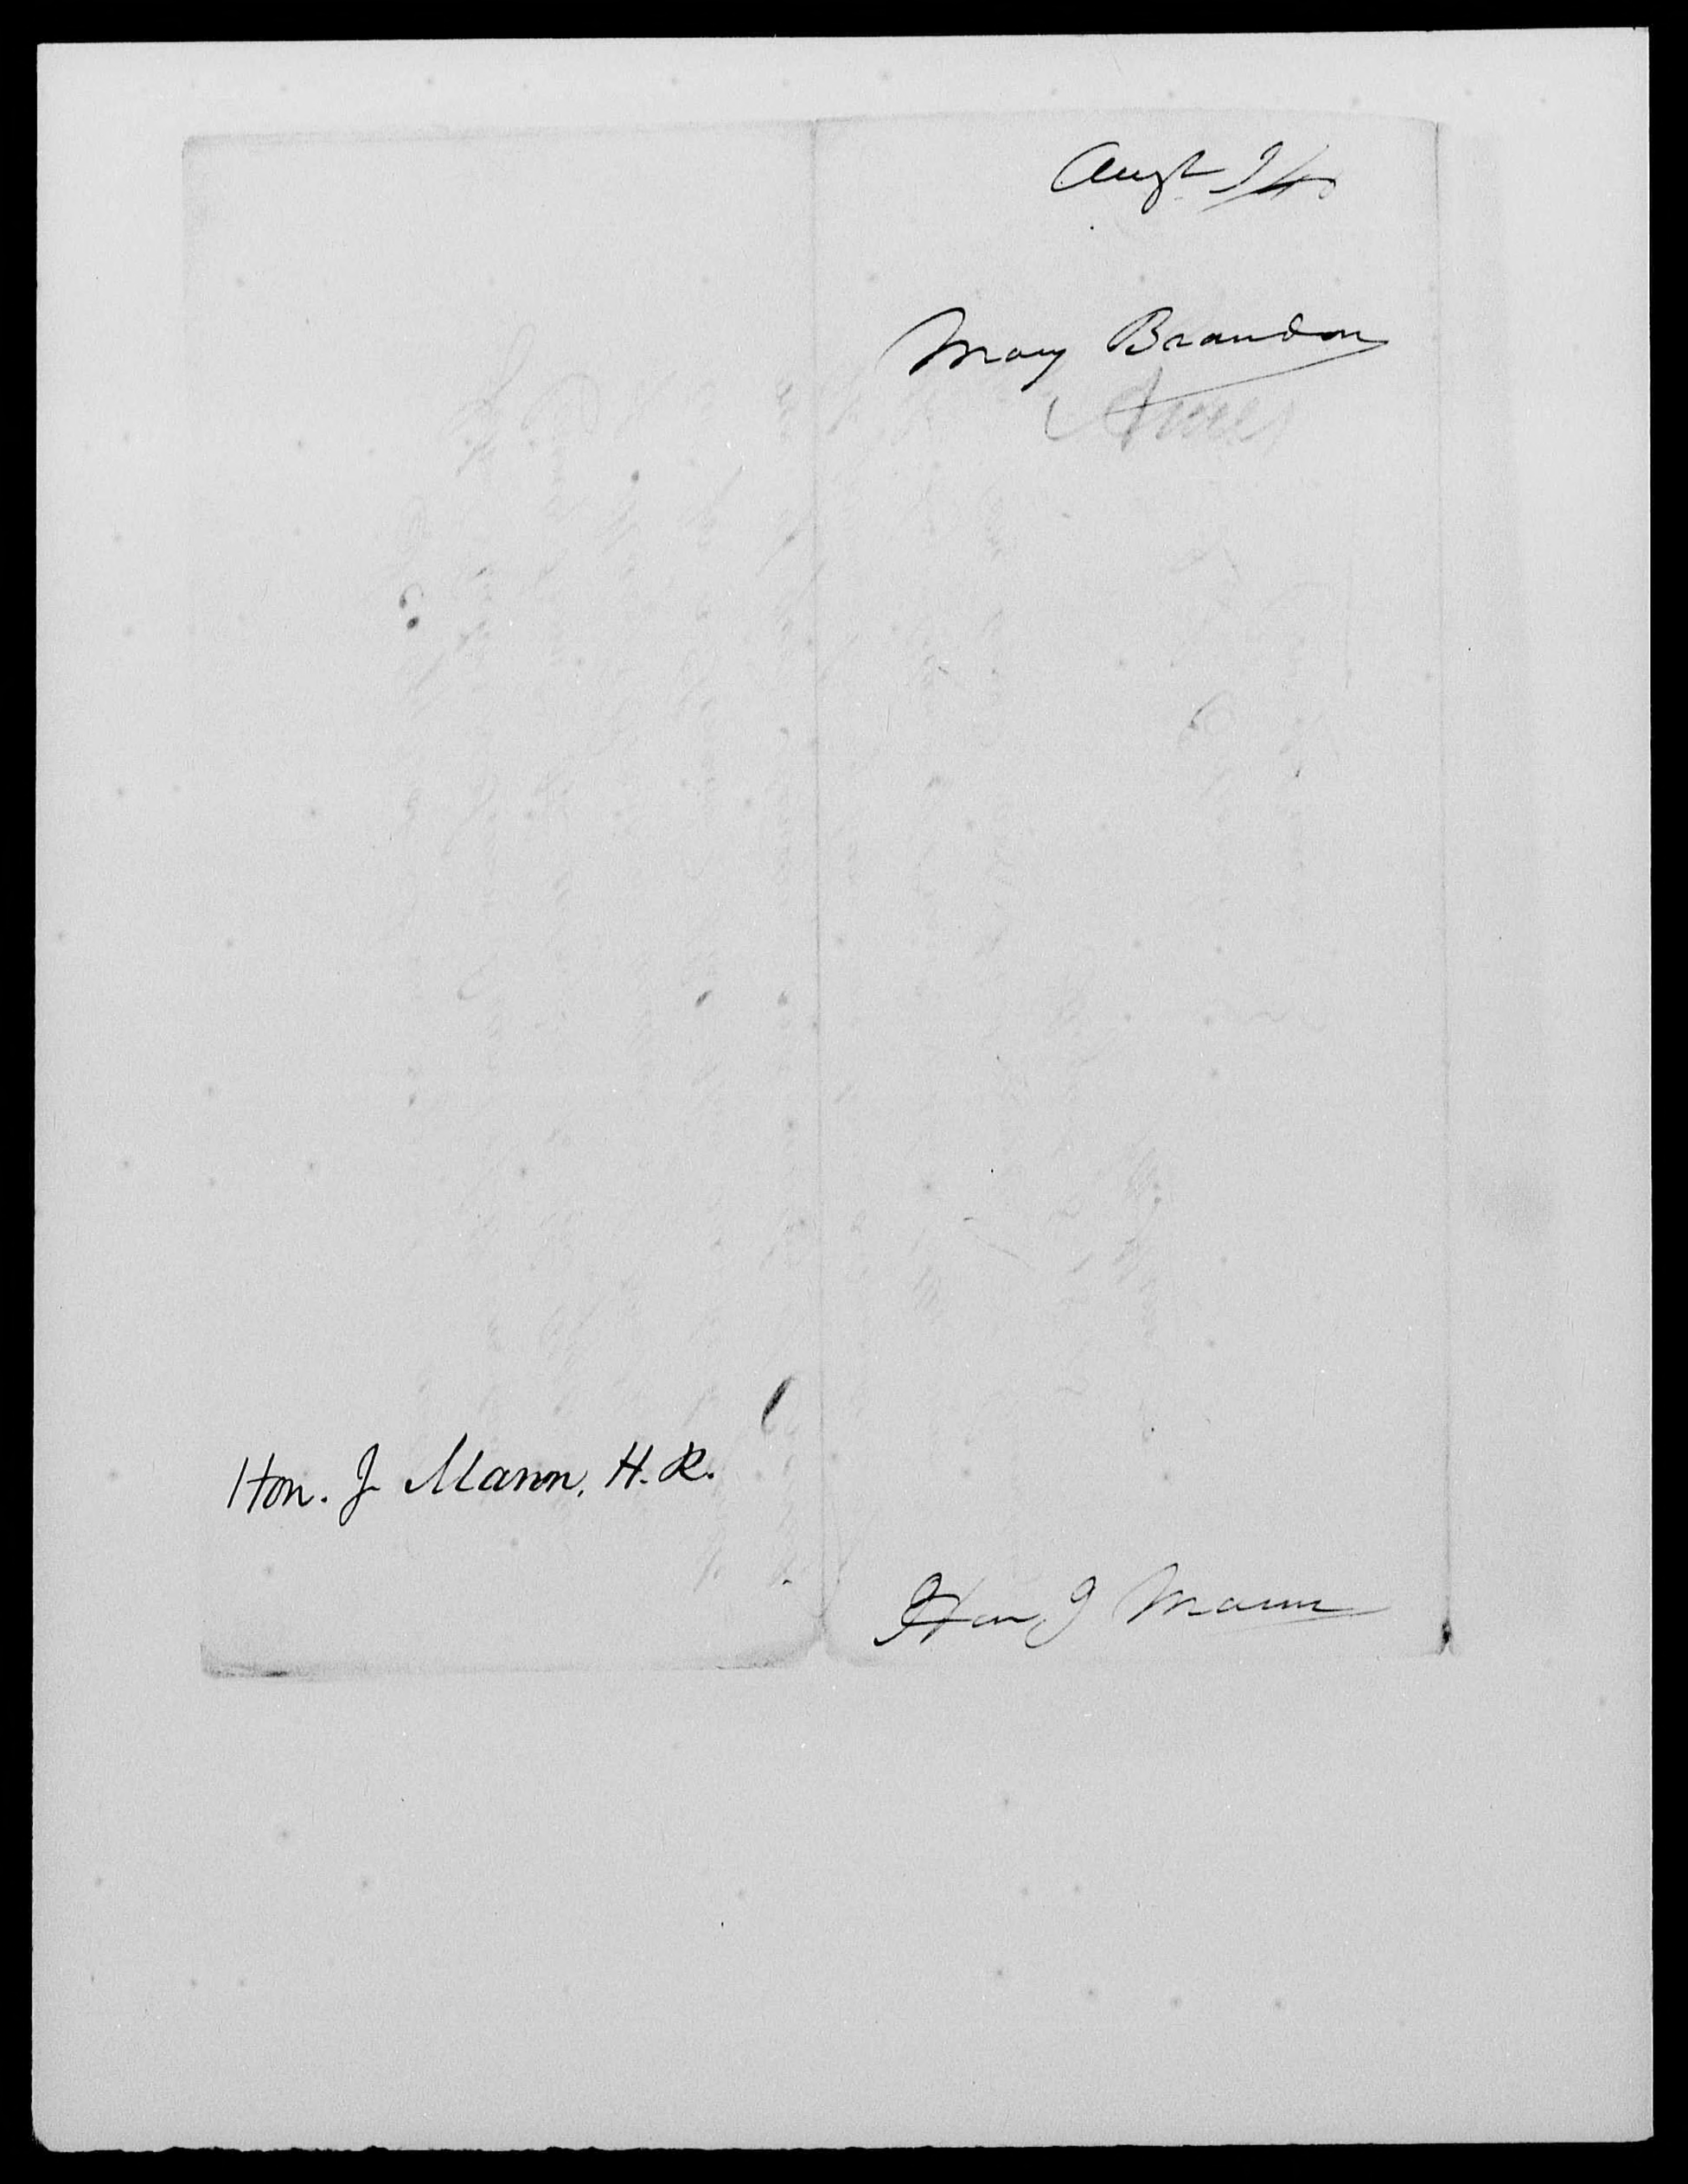Augt 14

Mary Brandon

Hon J Mann, H.R.
Hon. J Mann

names: J Mann, J Mann, Mary Brandon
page: 32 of 83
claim: widow's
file: W. 5946, John Brandon, Penn